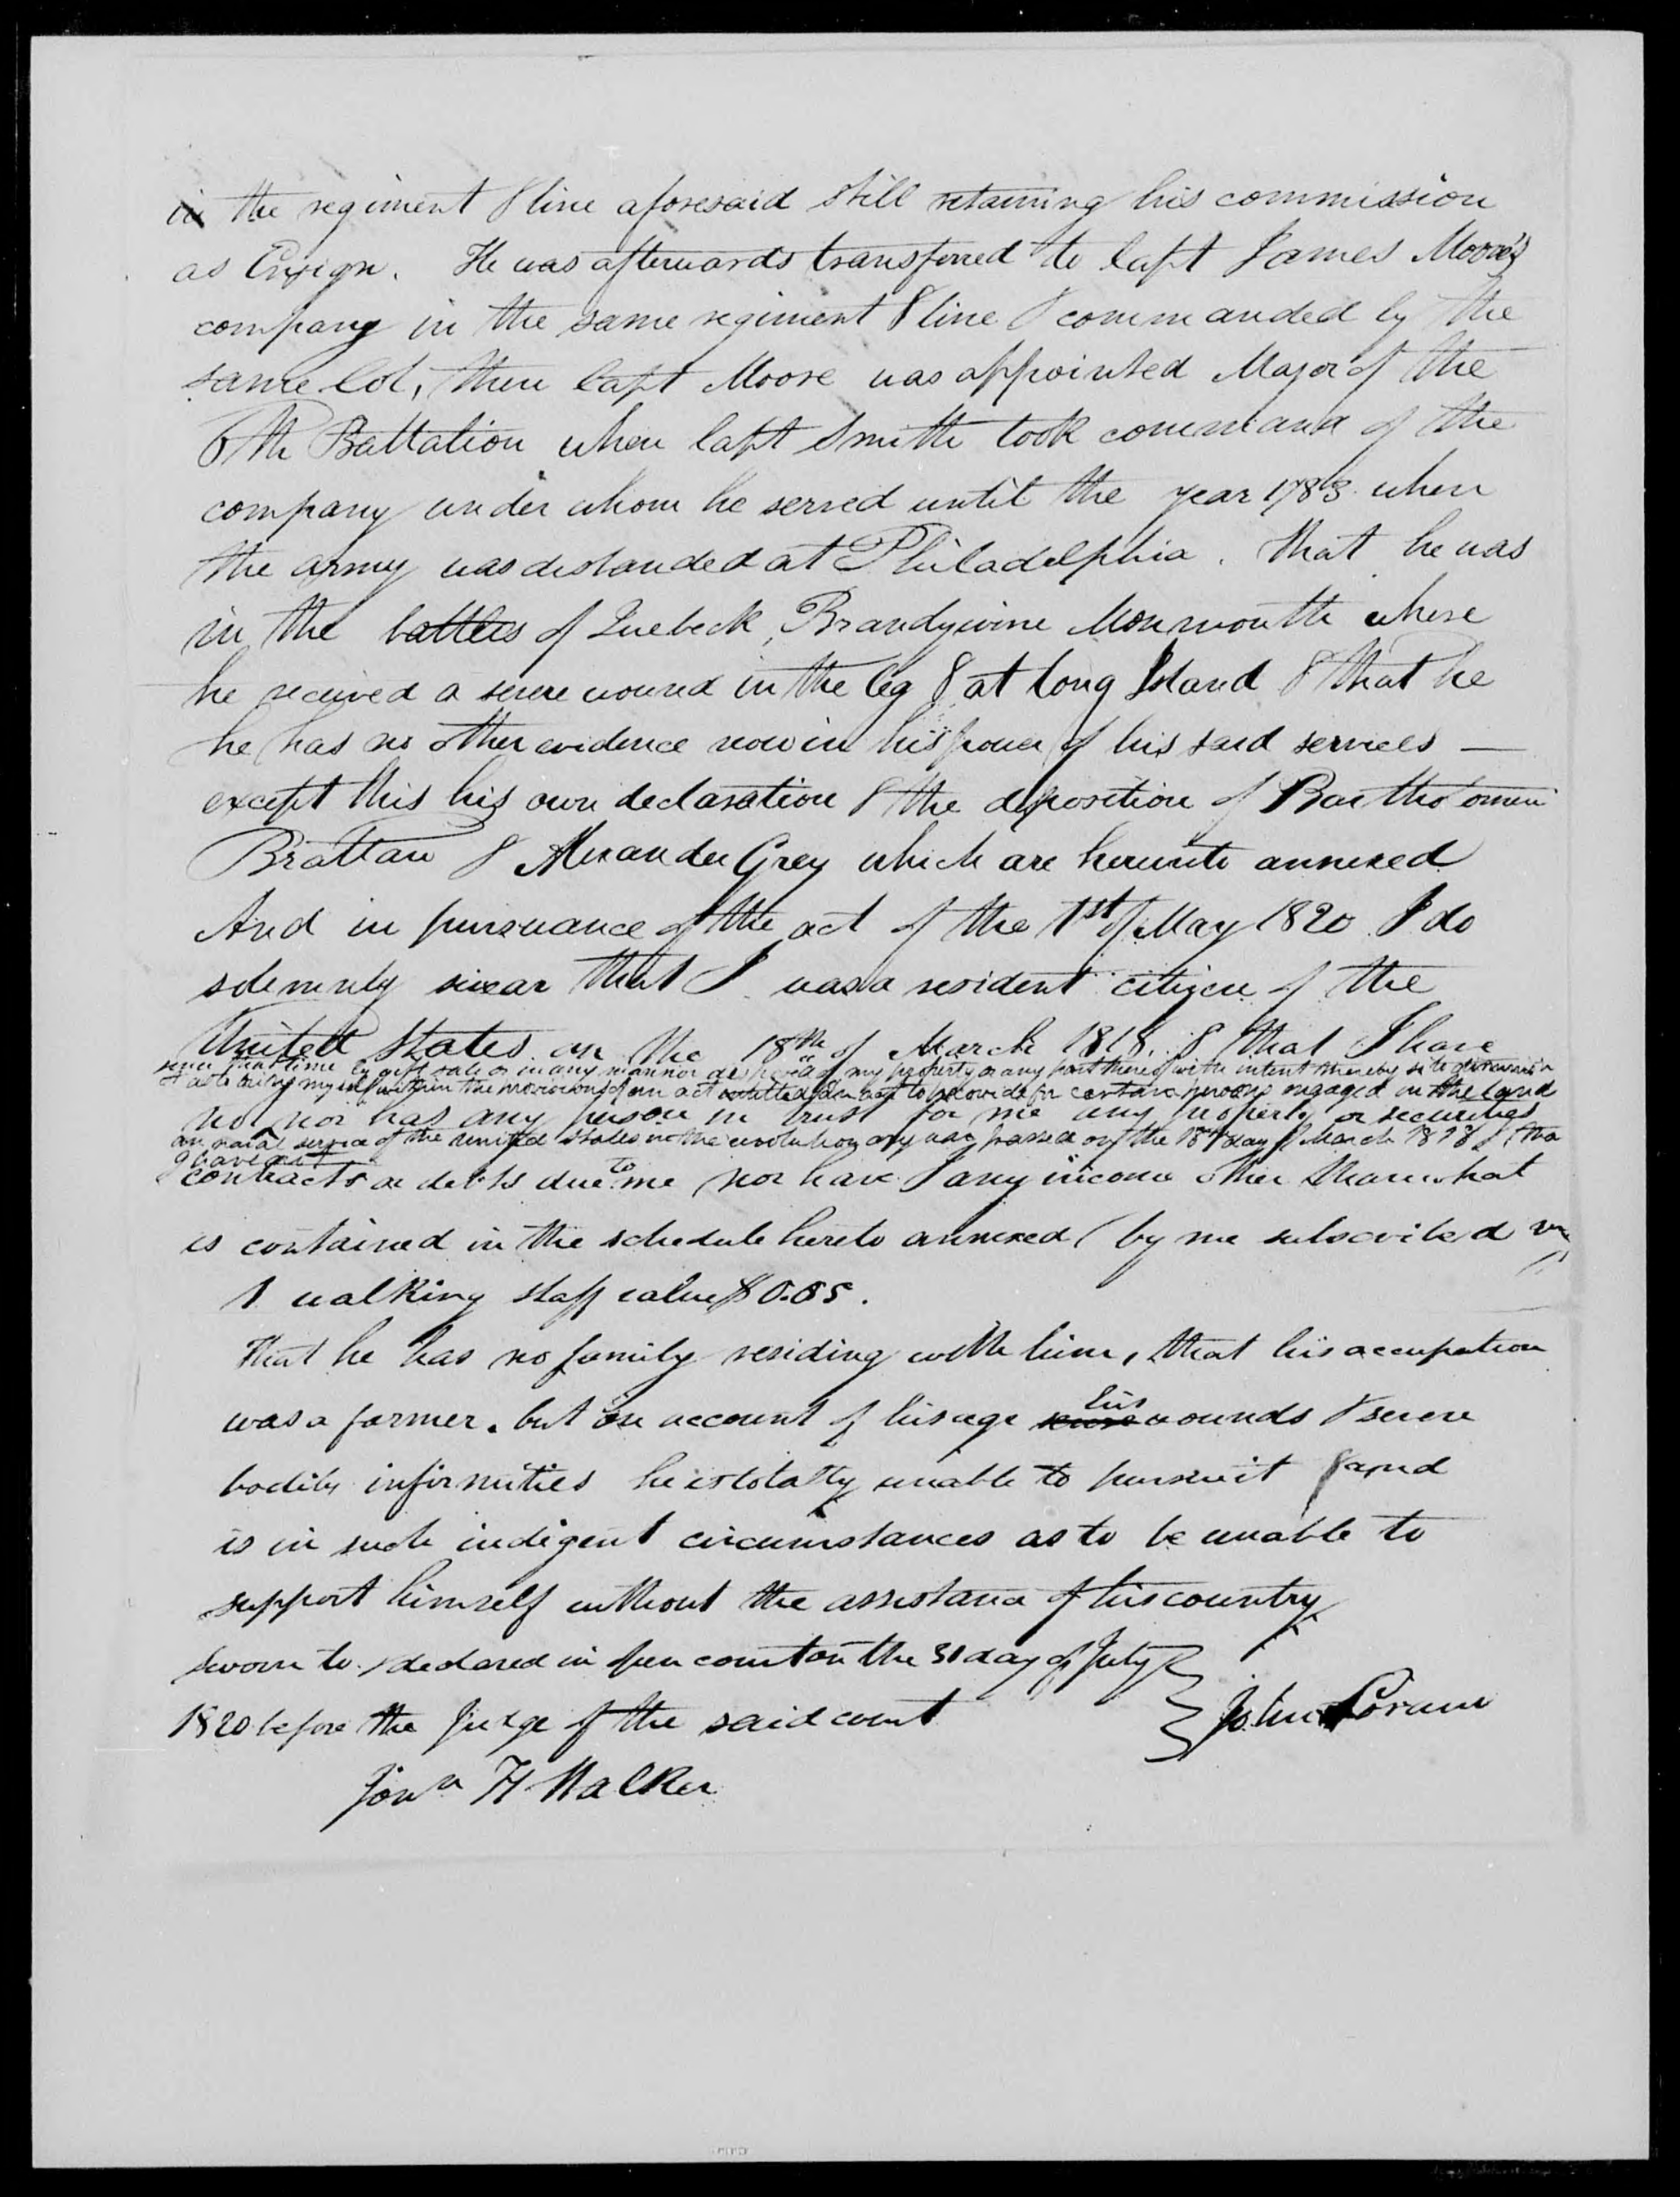in the regiment & line aforesaid still retaining his commission as Ensign.  He was afterwards transferred to Capt James Moore's company in the same regimen & line & commanded by the same Col, [colonel] then Capt Moore was appointed Major of the 6th Battalion, when Capt Smith took command of the company under whom he served until the year 1783 when the army was disbanded at Philadelphia.  That he was in the battles of Quebeck, Brandywine Monmouth where he received a severe wound in the leg & at long Island & that he has no other evidence now in his power of his said services - except this his own declaration & the deposition of Bartholomew Brattan & Alexander Grey which are hereunto annexed.  
And in pursuance of the act of the 1st of May 1820 I do solemnly swear that I was a resident citizen of the United States on the 18th of March 1818 & that I have not nor has any person in trust for me any property or securities contracts or debts due to me nor have I any income other than what is contained in the schedule hereto annexed (by me subscribed illegible] A walking staff value $0.05.

[The following paragraph was written between the lines of the paragraph above]:

since that time by gift sale or in any manner disposed of my property or any part thereof with intent thereby so to [illegible] myself within the provisions of an act [illegible] to provide for certain persons engaged on the land an [and?] naval service of the United States in the revolutionary war passed on the 18th day of March 1838.

That he has no family residing with him, that his occupation was a farmer, but on account of his age his wounds & severe bodily infirmities he is totally unable to pursuit and is in such indigent circumstances as to be unable to support himself without the assistance of his country.
Sworn & declared in open court on the 31 day of July 1820 before the Judge of the said court 
John H Walker

John [illegible]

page: 4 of 21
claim: survivor's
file: S. 40,098, for John Lorain, Pennsylvania